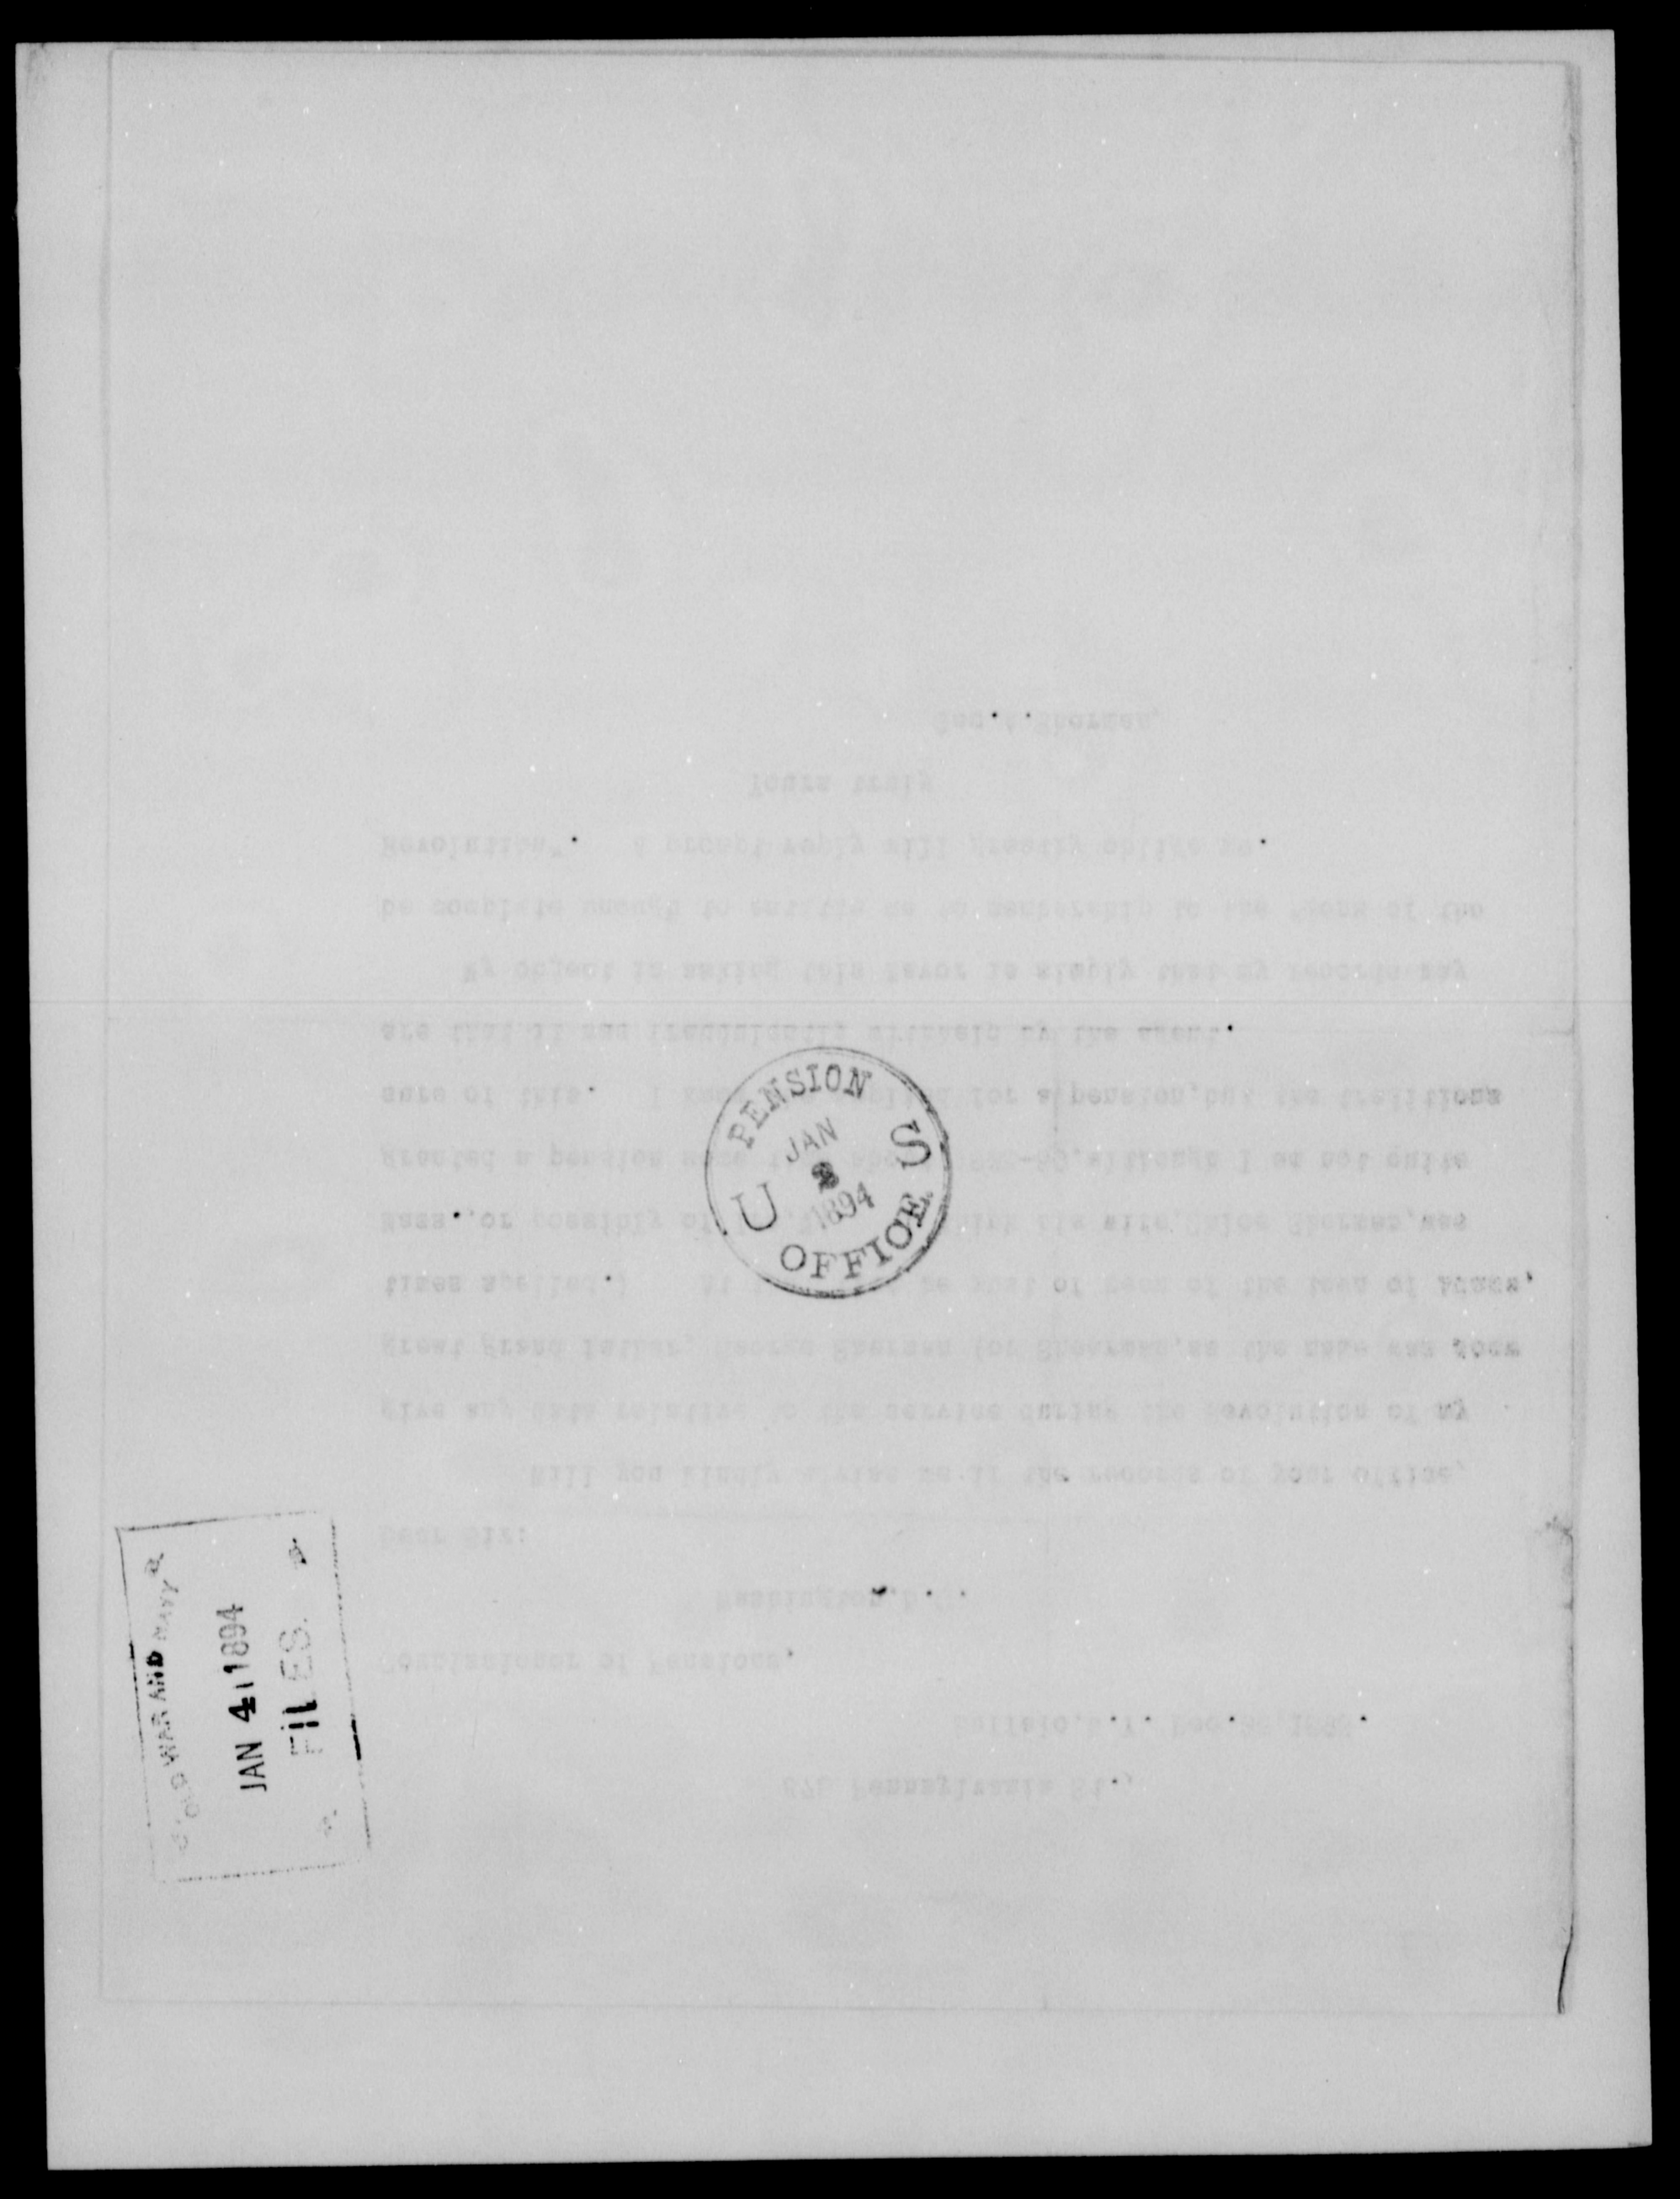Seal
U S Pension Office
Jan 2 1894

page: 46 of 52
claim: rejected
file: R. 9493, for George Sherman, Vermont